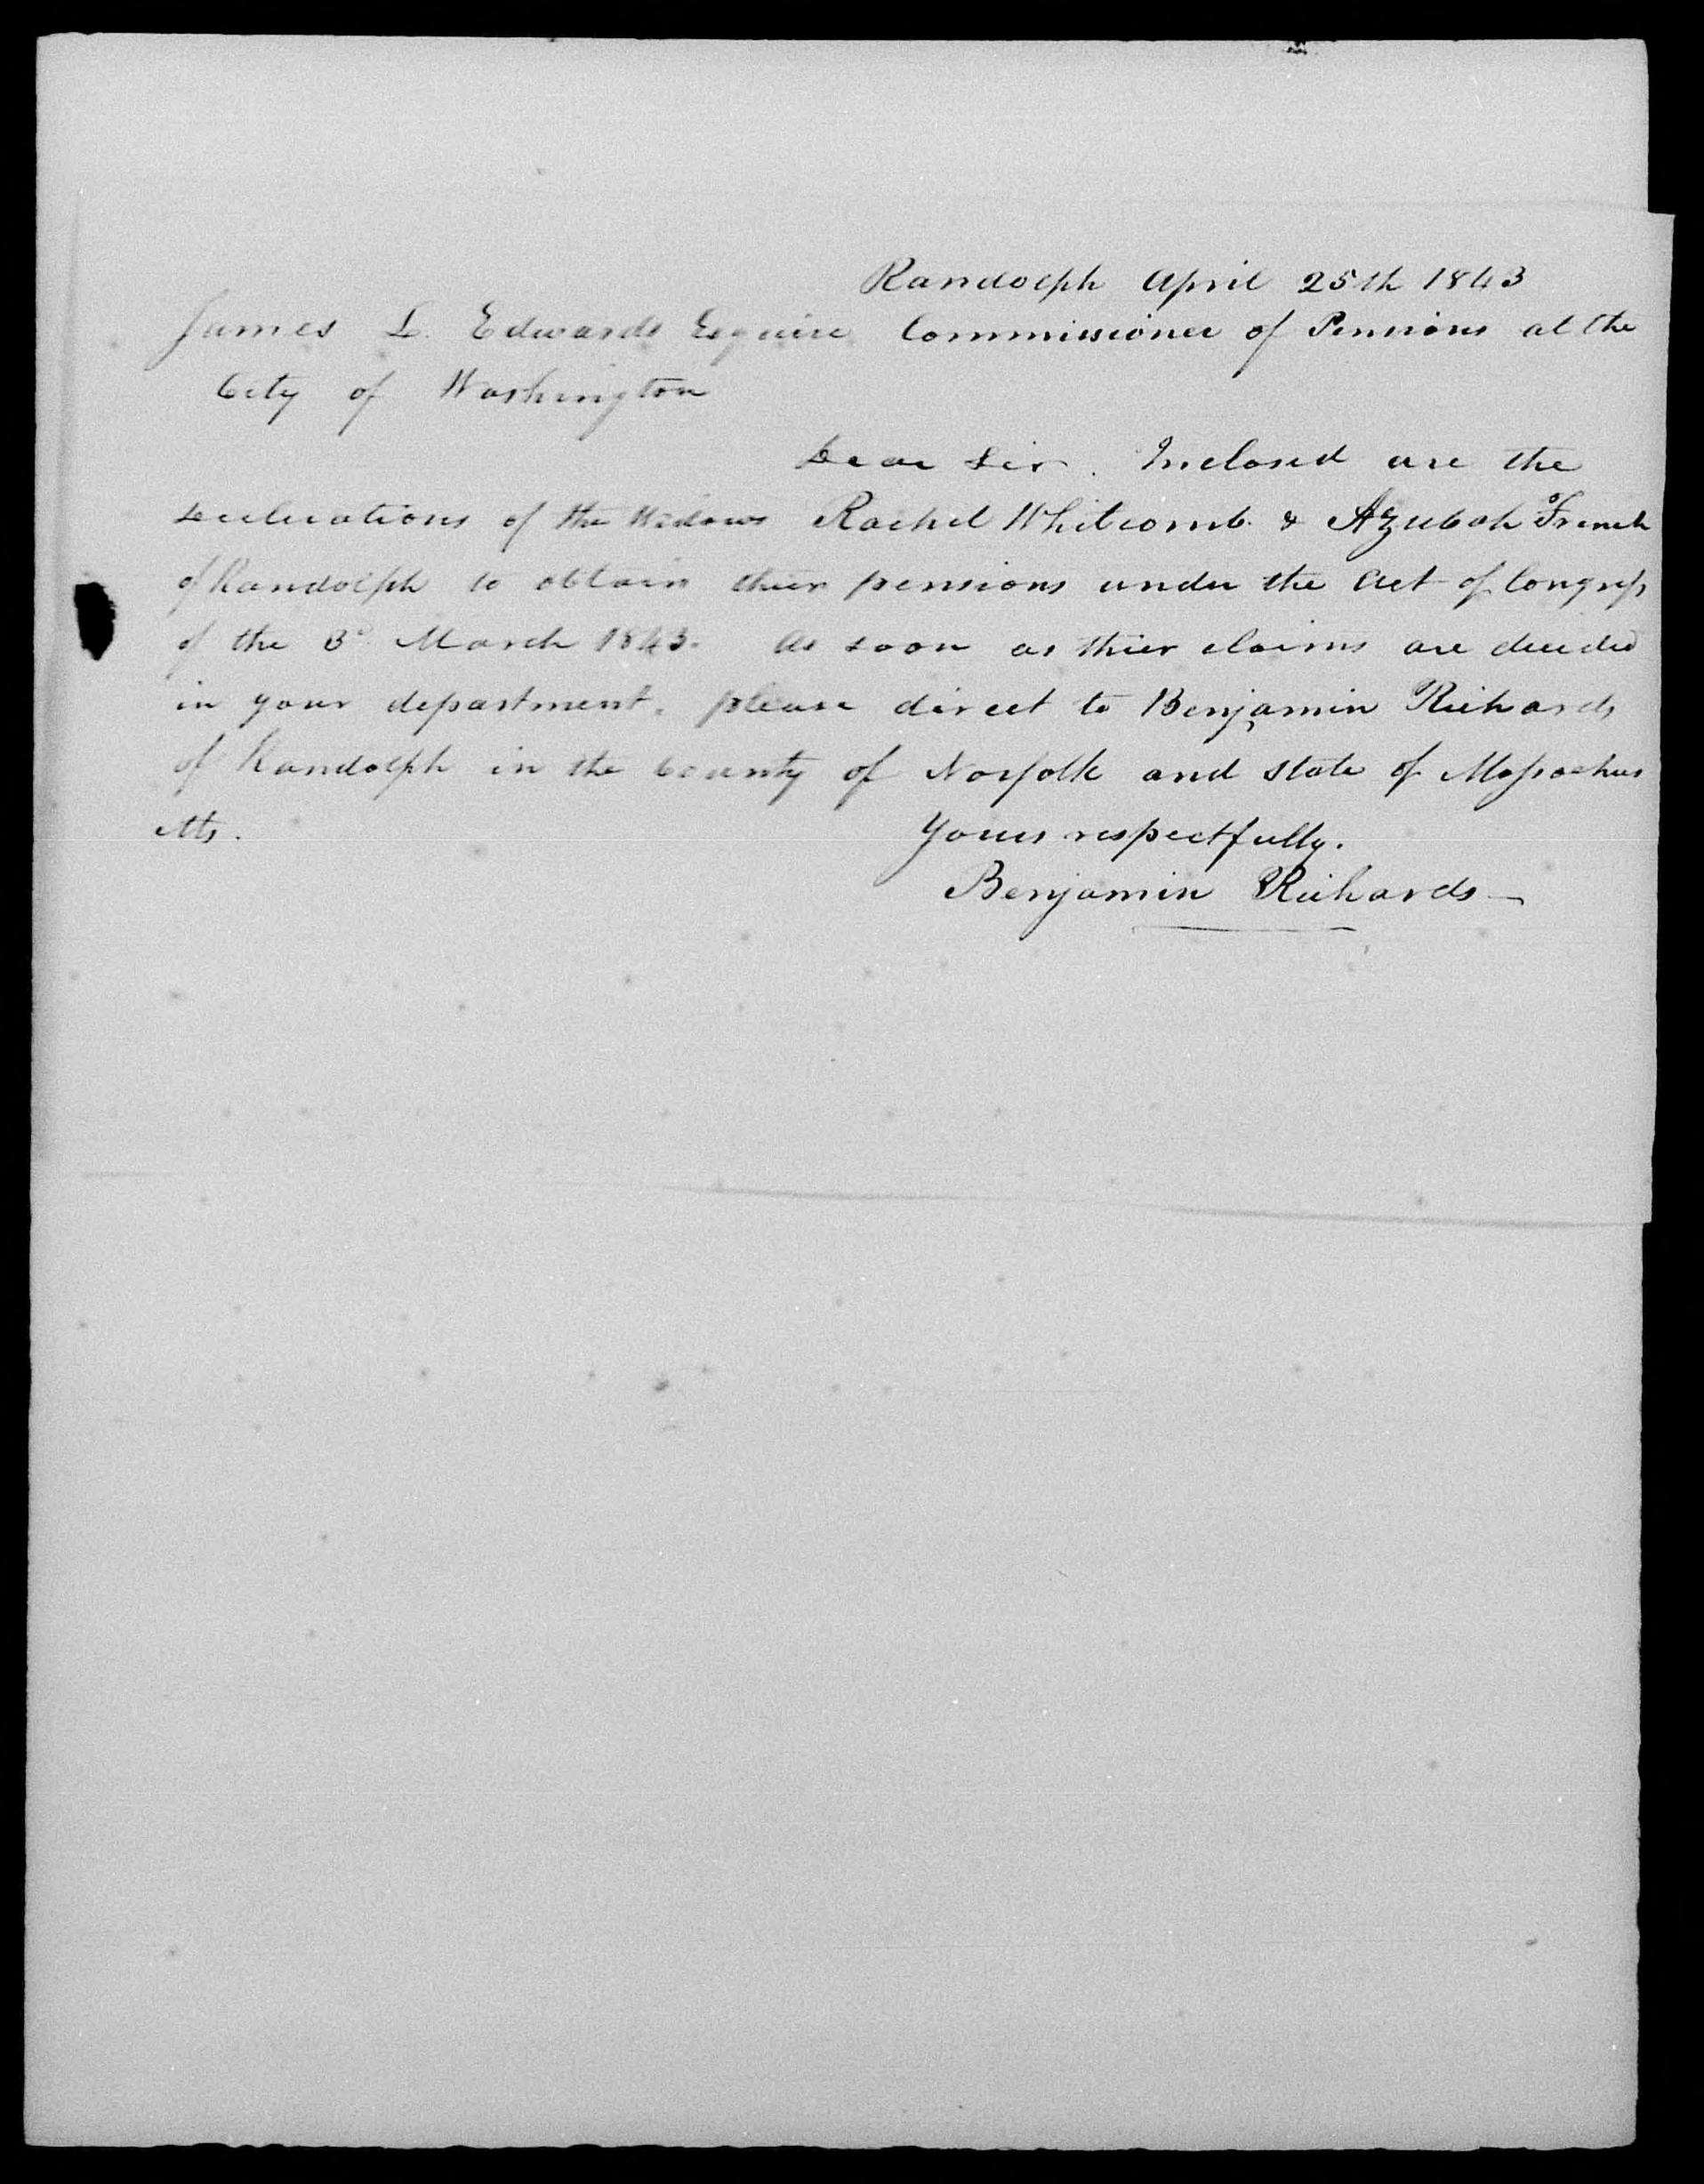Randolph April 25th 1843 

James L. Edwards Esquire Commissioner of Pensions at the 
City of Washington 

Dear Sir. Inclosed are the 
Declarations of the Widows Rachel Whitcomb & Azubah French
of Randolph to obtain their pensions under the Act of Congress
of the 3rd March 1843. As soon as their claims are decided 
in your department, please direct to Benjamin Richards 
of Randolph in the County of Norfolk and State of Massachusetts.

Yours respectfully.
Benjamin Richards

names: Azubah French, Benjamin Richards, Rachel Whitcomb, James L Edwards, Benjamin Richards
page: 36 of 38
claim: widow's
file: W. 24,235, Silvanus French, Mass.